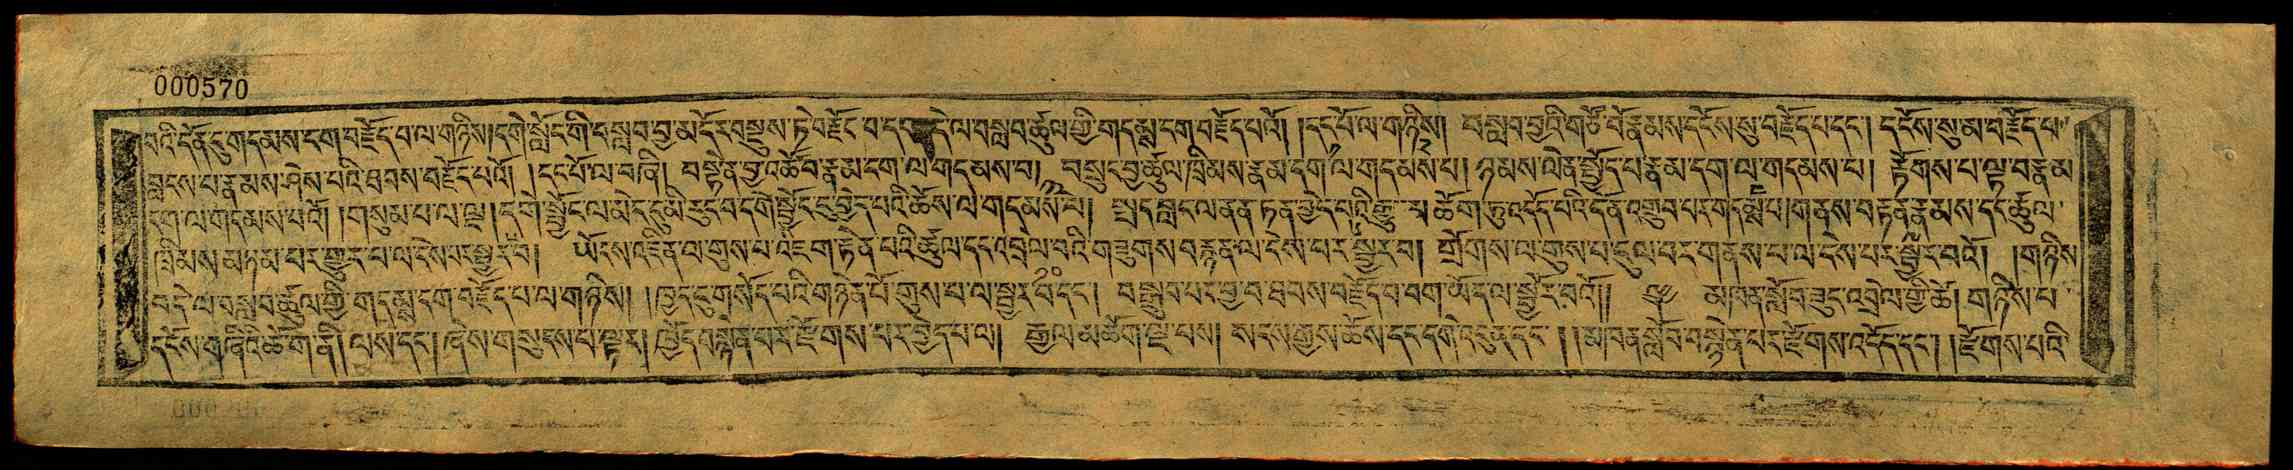བའི་དོན་དུ་གདམས་ངག་བརྗོད་པ་ལ་གཉིས། དགེ་སློང་གི་བསླབ་བྱ་མདོར་བསྡུས་ཏེ་བརྗོད་པ་དང་། དེ་ལ་བསླབ་ཚུལ་གྱི་གདམས་ངག་བརྗོད་པའོ། །དང་པོ་ལ་གཉིས། ༢་བསླབ་བྱའི་གཙོ་བོ་རྣམས་དངོས་སུ་བརྗོད་པ་དང་། དངོས་སུམ་བརྗོད་པ་
བླངས་པ་རྣམས་ཤེས་པའི་ཐབས་བརྗོད་པའོ། །དང་པོ་ལ་བཞི། བསྟེན་བྱ་འཚོ་བ་རྣམ་དག་ལ་གདམས་པ། བསྲུང་བྱ་ཚུལ་ཁྲིམས་རྣམ་དག་ལ་གདམས ༡་པ། ཉམས་ལེན་སྤྱོད་པ་རྣམ་དག་ལ་གདམས་པ། རྟོགས་པ་ལྟ་བ་རྣམས་
དག་ལ་གདམས་པའོ། །གསུམ་པ་ལ་ལྔ། དགེ་སྦྱོར་ལ་མེད་དུ་མི་རུང་བ་དགེ་སྦྱོར་དུ་བྱེད་པའི་ཆོས་ལ་གདམས་པ། སྤང་བླང་ལ་ནན་ཏན་བྱེད་པའི་རྒྱུ་མཆོག་ཏུ་འདོད་པའི་དོན་འགྲུབ་པར་གདམས་པ། གནས་བརྟན་རྣམས་དང་ཚུལ་
ཁྲིམས་མཉམ་པར་གྱུར་པ་ལ་ངེས་པར་སྦྱར་བ། ཡོངས་འཛིན་ལ་གུས་པ་འཇིག་རྟེན་པའི་ཚུལ་དང་འབྲེལ་བའི་གཟུགས་བརྙན་ལ་ངེས་པར་སྦྱོར་བ། གྲོགས་ལ་གུས་པ་དུལ་བར་གནས་པ་ལ་ངེས་པར་སྦྱོར་བའོ། །གཉིས་
པ་དེ་ལ་བསླུབ་ཚུལ་གྱི་གདམས་ངག་བརྗོད་པ་ལ་གཉིས། །ཁྱད་དུ་གསོད་པའི་གཉེན་པོ་གུས་པ་ལ་སྦྱར་བ་དང་། བསྒྲུབ་པར་བྱ་བ་ཐབས་བརྗོད་པ་བག་ཡོད་ལ་སྦྱར་བའོ། །༈ མཁན་སློབ་ཟུང་འབྲེལ་གྱི་ཚེ། གཉིས་པ་
དངོས་གཞིའི་ཆོ་ག་ནི། ལས་དང་། ཞེས་གསུངས་པ་ལྟར། ཁྱོད་བསྙེན་པར་རྫོགས་པར་བྱེད་པ་ལ། རྒྱལ་མཆོག་ལྔ་པས། སངས་རྒྱས་ཆོས་དང་དགེ་འདུན་དང་། །མཁན་སློབ་བསྙེན་པར་རྫོགས་འདོད་དང་། །རྫོགས་པའི་